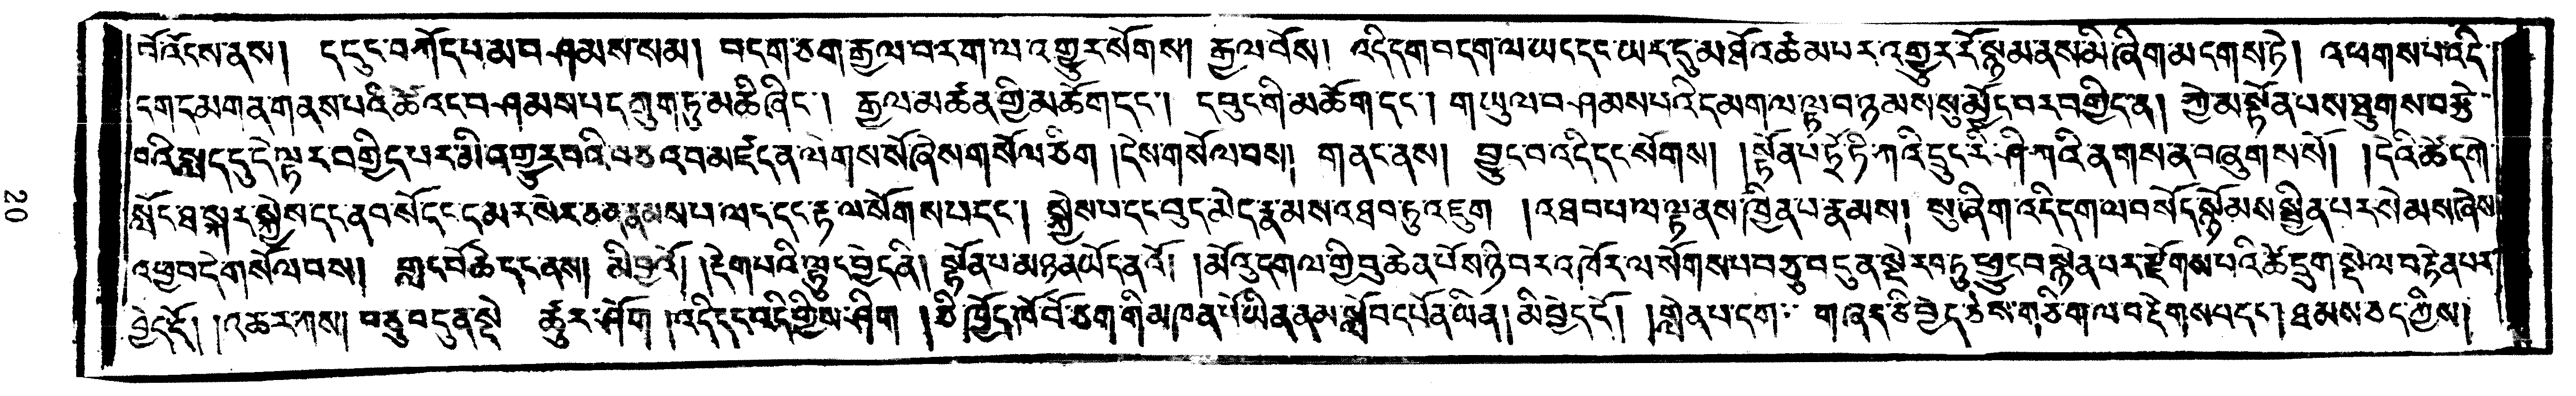བོ་འོངས་ནས། ད་དུང་བཀོད་པ་མ་བཤམས་སམ། བདག་ཅག་རྒྱལ་བར་ག་ལ་འགྱུར་སོགས། རྒྱལ་བོས། འདི་དག་བདག་ལ་ཡང་དང་ཡང་དུ་མཐོ་འཚམ་པར་འགྱུར་རོ་སྙམ་ནས་མི་ཞིག་མདགས་ཏེ། འཕགས་པ་འདི་
དག་དམག་ན་གནས་པའི་ཚེའང་བཤམས་པ་དཀྲུག་ཏུ་མཆི་ཞིང་། རྒྱལ་མཚན་གྱི་མཆོག་དང་། དབུང་གི་མཆོག་དང་། གཡུལ་བཤམས་པའི་དམག་ལ་ལྟ་བ་ཉམས་སུ་མྱོང་བར་བགྱིད་ན། ཀྱེ་མ་སྟོན་པས་ཐུགས་བརྩེ་
བའི་སླད་དུ་དེ་ལྟར་བགྱིད་པར་མི་འགྱུར་བའི་བཅའ་བ་མཛད་ན་ལེགས་སོ་ཞེས་གསོལ་ཅིག །དེས་གསོལ་བས། གནང་ནས། བྱུང་བ་འདི་དང་སོགས། །སྟོན་པ་ཏྲོ་ཏི་ཀའི་དྲུང་རི་ཤི་ཀའི་ནགས་ན་བཞུགས་སོ། །དེའི་ཚེ་དགེ་
སློང་ཐ་སྐར་སྐྱེས་དང་ནབ་སོ་དང་དམར་སེར་ཅན་རྣམས་པ་ལང་དང་རྟ་ལ་སོགས་པ་དང་། སྐྱེས་པ་དང་བུད་མེད་རྣམས་འཐབ་ཏུ་འཇུག །འཐབ་པ་ལ་ལྟ་ནས་ཁྱིན་པ་རྣམས། སུ་ཞིག་འདི་དག་ལ་བསོད་སྙོམས་སྦྱིན་པར་སེམས་ཞེས་
འཕྱ་བདེ་གསོལ་བས། གླང་པོ་ཆེ་དང་ནས། མི་བྱའོ། །རྡེག་པའི་ལྟུང་བྱེད་ནི། སྟོན་པ་མཉན་ཡོད་ནའོ། །མོའུ་དགལ་གྱི་བུ་ཆེན་པོས་ཉི་བར་འཁོར་ལ་སོགས་པ་བཅུ་བདུན་སྡེ་རབ་ཏུ་ཕྱུང་བསྙེན་པར་རྫོགས་པའི་ཚེ་དྲུག་སྡེ་ལ་བརྟེན་པར་
བྱེད་དོ། །འཆར་ཀས། བཅུ་བསྡུས་དེ། ཚུར་ཤོག །འདི་དང་འདི་གྱིས་ཤིག །ཅི་ཁྱོད་ཁོ་བོ་ཅག་གི་མཁན་པོ་ཡིན་ནམ་སློབ་དཔོན་ཡིན། མི་བྱེད་དོ། །གླེན་པ་དག་གཞན་ཅི་བྱེད་ཅེས་གཅིག་ལ་བརྡེགས་པ་དང་། ཐམས་ཅད་ཀྱིས་